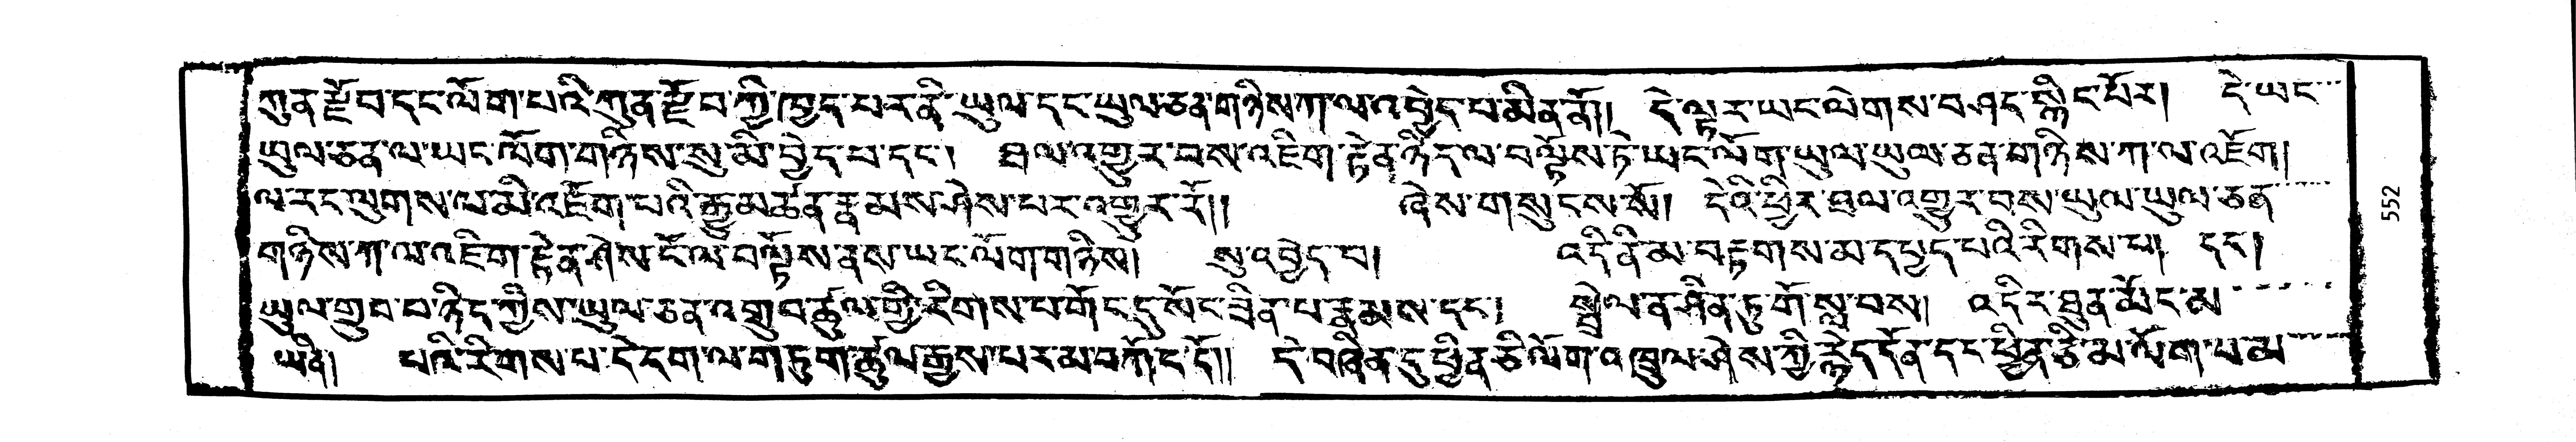ཀུན་རྫོབ་དང་ལོག་པའི་ཀུན་རྫོབ་ཀྱི་ཁྱད་པར་ནི་ཡུལ་དང་ཡུལ་ཅན་གཉིས་ཀ་ལ་འབྱེད་པ་མིན་ནོ།། དེ་ལྟར་ཡང་ལེགས་བཤད་སྙིང་པོར། དེ་ཡང་
ཡུལ་ཅན་ལ་ཡང་ལོག་གཉིས་སུ་མི་བྱེད་པ་དང་། ཐལ་འགྱུར་བས་འཇིག་རྟེན་ཉིད་ལ་བལྟོས་ཏེ་ཡང་ལོག་ཡུལ་ཡུལ་ཅན་གཉིས་ཀ་ལ་འཇོག།
ལ་རང་ལུགས་ལ་མི་འཇོག་པའི་རྒྱུ་མཚན་རྣམས་ཤེས་པར་འགྱུར་རོ།། ཞེས་གསུངས་སོ། དེའི་ཕྱིར་ཐལ་འགྱུར་བས་ཡུལ་ཡུལ་ཅན་
གཉིས་ཀ་ལ་འཇིག་རྟེན་ཤེས་ངོ་ལ་བལྟོས་ནས་ཡང་ལོག་གཉིས། སུ་འབྱེད་པ། འདི་ནི་མ་བརྟགས་མ་དཔྱད་པའི་རིགས་པ། དང་།
ཡུལ་གྲུབ་པ་ཉིད་ཀྱིས་ཡུལ་ཅན་འགྲུབ་ཚུལ་གྱི་རིགས་པ་གོང་དུ་སོང་ཟིན་པ་རྣམས་དང་། སྤྲེལ་ན་ཤིན་ཏུ་གོ་སླ་བས། འདིར་ཐུན་མོང་མ་
ཡིན། པའི་རིགས་པ་དེ་དག་ལ་གཏུག་ཚུལ་རྒྱས་པར་མ་བཀོད་དོ།། དེ་བཞིན་དུ་ཕྱིན་ཅི་ལོག་འཁྲུལ་ཤེས་ཀྱི་རྙེད་དོན་དང་ཕྱིན་ཅི་མ་ལོག་པ་མ་